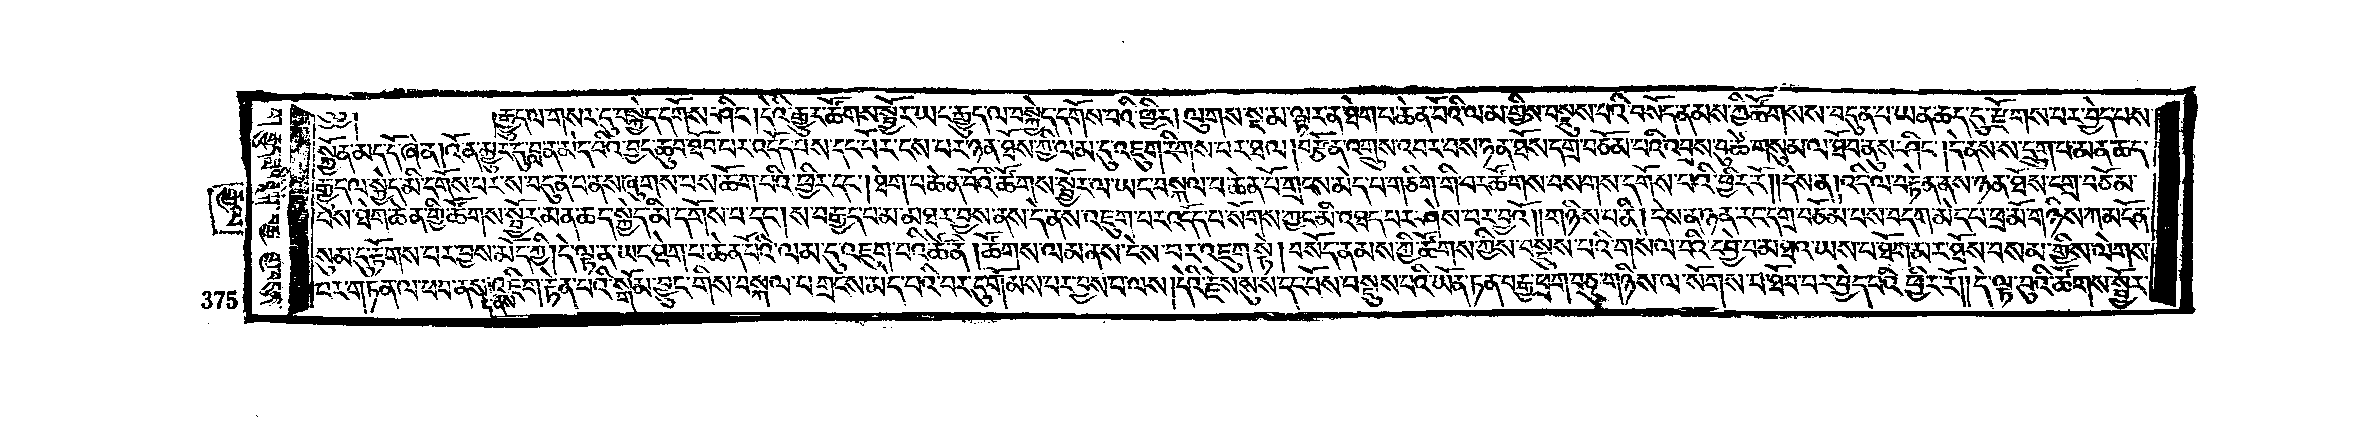༄༅། །རྒྱུད་ལ་གསར་དུ་བསྐྱེད་དགོས་ཤིང་། དེའི་རྒྱུར་ཚོགས་སྦྱོར་ཡང་རྒྱུད་ལ་བསྐྱེད་དགོས་པའི་ཕྱིར། ལུགས་སྔ་མ་ལྟར་ན་ཐེག་པ་ཆེན་པོའི་ལམ་གྱིས་བསྡུས་པའི་བསོད་ནམས་ཀྱི་ཚོགས་ས་བདུན་པ་ཡན་ཆད་དུ་རྫོགས་པར་བྱེད་པས་
སྐྱོན་མེད་དོ་ཞེ་ན། འོ་ན་མྱུར་དུ་བླ་ན་མེད་པའི་བྱང་ཆུབ་ཐོབ་པར་འདོད་པས་དང་པོར་ངས་པར་ཉན་ཐོས་ཀྱི་ལམ་དུ་འཇུག་རིགས་པར་ཐལ། བརྩོན་འགྲུས་འབར་བས་ཉན་ཐོས་དགྲ་བཅོམ་པའི་འབྲས་བུ་ཚེ་གསུམ་ལ་ཐོབ་ནུས་ཤིང་། དེ་ནས་ས་དྲུག་པ་མན་ཆད་
རྒྱུད་ལ་སྐྱེད་མི་དགོས་པར་ས་བདུན་པ་ནས་ཞུགས་པས་ཆོག་པའི་ཕྱིར་དང་། ཐེག་པ་ཆེན་པོའི་ཚོགས་སྦྱོར་ལ་ཡང་བསྐལ་པ་ཆེན་པོ་གྲངས་མེད་པ་གཅིག་གི་བར་ཚོགས་བསགས་དགོས་པའི་ཕྱིར་རོ། །དེས་ན། འདི་ལ་བརྟེན་ནས་ཉན་ཐོས་དགྲ་བཅོམ་
པས་ཐེག་ཆེན་གྱི་ཚོགས་སྦྱོར་མན་ཆད་སྐྱེད་མི་དགོས་པ་དང་། ས་བརྒྱད་པ་མ་མཐར་བྱས་ནས་དེ་ནས་འཇུག་པར་འདོད་པ་སོགས་ཀྱང་མི་འཐད་པར་ཤེས་པར་བྱའོ། །གཉིས་པ་ནི། དེས་ན་ཉན་རང་དགྲ་བཅོམ་པས་བདག་མེད་པ་ཕྲ་མོ་གཉིས་ཀ་མངོན་
སུམ་དུ་རྟོགས་པར་བྱས་མོད་ཀྱི། དེ་ལྟ་ན་ཡང་ཐེག་པ་ཆེན་པོའི་ལམ་དུ་འཇུག་པའི་ཚེ་ནི། ཚོགས་ལམ་ནས་ངེས་པར་འཇུག་སྟེ། བསོད་ནམས་ཀྱི་ཚོགས་ཀྱིས་བསྡུས་པའི་གསལ་བའི་དབྱེ་བ་མཐའ་ཡས་པ་ཐོག་མར་ཐོས་བསམ་གྱིས་ལེགས་
པར་གཏན་ལ་ཕབ་ནས་དེ་ནས་འཇིག་རྟེན་པའི་སྒོམ་བྱུང་གིས་བསྐལ་པ་གྲངས་མེད་པའི་བར་དུ་གོམས་པར་བྱས་པ་ལས། དེའི་རྗེས་སུ་ས་དང་པོས་བསྡུས་པའི་ཡོན་ཏན་བརྒྱ་ཕྲག་བཅུ་གཉིས་ལ་སོགས་པ་ཐོབ་པར་བྱེད་པའི་ཕྱིར་རོ། །དེ་ལྟ་བུའི་ཚོགས་སྦྱོར་